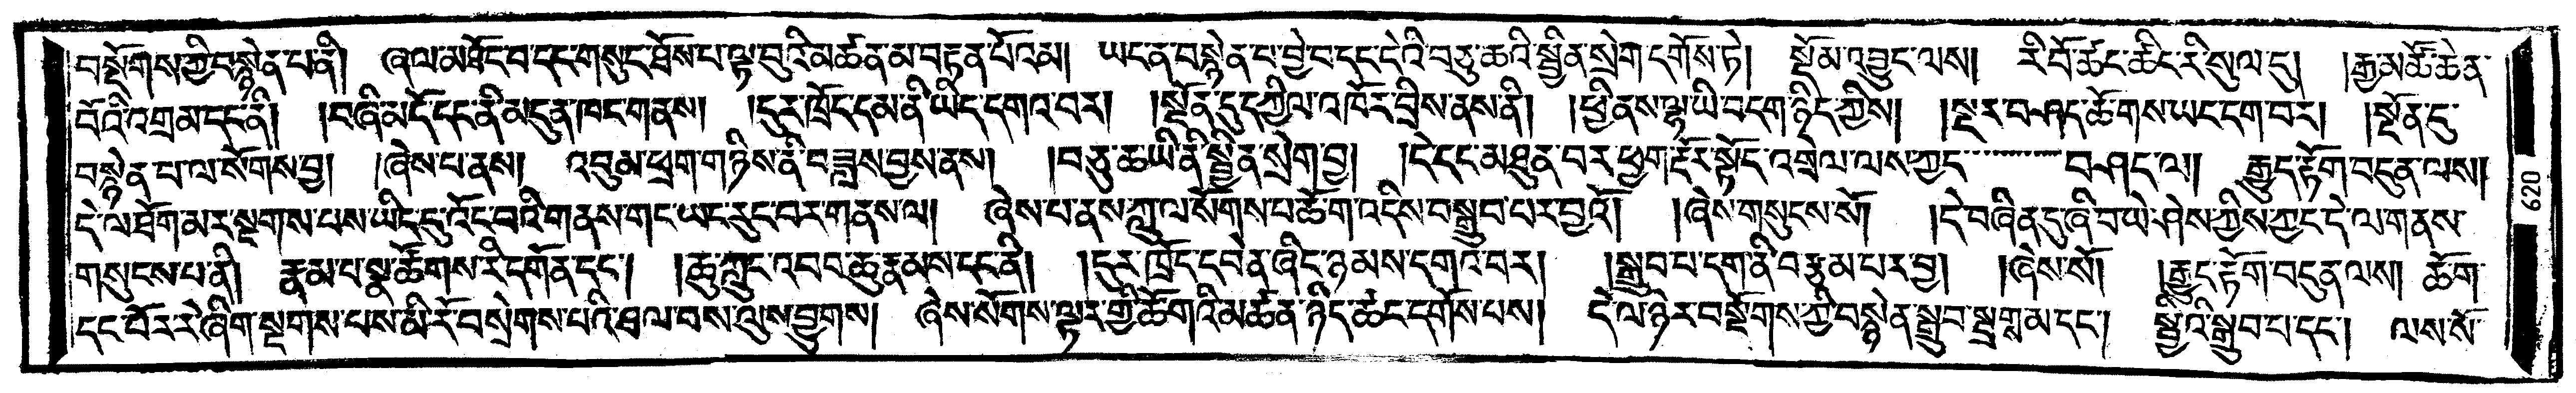བསྡོགས་ཀྱི་བསྙེན་པ་ནི། ཞལ་མཐོང་བ་དང་གསུང་ཐོས་པ་ལྟ་བུའི་མཚན་མ་བརྟན་པོའམ། ཡང་ན་བསྙེན་པ་བྱེ་བ་དང་དེའི་བཅུ་ཆའི་སྦྱིན་སྲེག་དགོས་ཏེ། སྡོམ་འབྱུང་ལས། རི་བོ་ཚང་ཚིང་རི་སུལ་དུ། །རྒྱ་མཚོ་ཆེན་
པོའི་འགྲམ་དང་ནི། །བཞི་མདོ་དང་ནི་མདུན་ཁང་གནས། །དུར་ཁྲོད་དམ་ནི་ཡིད་དགའ་བར། །སྔོན་དུ་དཀྱིལ་འཁོར་བྲིས་ནས་ནི། །ཕྱི་ནས་ལྷ་ཡི་བདག་ཉིད་ཀྱིས། །སྔར་བཤད་ཆོ་གས་ཡང་དག་བར། །སྔོན་དུ་
བསྙེན་པ་ལ་སོགས་བྱ། །ཞེས་པ་ནས། འབུམ་ཕྲག་གཉིས་ནི་བཟླས་བྱས་ནས། །བཅུ་ཆ་ཡི་ནི་སྦྱིན་སྲེག་བྱ། །དེ་དང་མཐུན་པར་ཕྱག་རྡོར་སྟོང་འགྲེལ་ལས་ཀྱང་བཤད་ལ། རྒྱུད་རྟོག་བདུན་ལས།
དེ་ལ་ཐོག་མར་སྔགས་པས་ཡིད་དུ་འོང་བའི་གནས་གང་ཡང་རུང་བར་གནས་ལ། ཞེས་པ་ནས་ཀླུ་ལ་སོགས་པ་ཆོ་ག་འདིས་བསྒྲུབ་པར་བྱའོ། །ཞེས་གསུངས་སོ། །དེ་བཞིན་དུ་ཞི་བ་ཡེ་ཤེས་ཀྱིས་ཀྱང་དེ་ལ་གནས་
གསུངས་པ་ནི། རྣམ་པ་སྣ་ཚོགས་རི་དགོན་དང་། །ཆུ་ཀླུང་འབབ་ཆུ་རྣམས་དང་ནི། །དུར་ཁྲོད་དབེན་ཞིང་ཉམས་དགའ་བར། །སྒྲུབ་པ་དག་ནི་བརྩམ་པར་བྱ། །ཞེས་སོ། །རྒྱུད་རྟོག་བདུན་ལས། ཆོ་ག་
དང་པོར་རེ་ཞིག་སྔགས་པས་མི་རོ་བསྲེགས་པའི་ཐལ་བས་ལུས་བྱུགས། ཞེས་སོགས་ལྟར་གྱི་ཆོ་གའི་མཚན་ཉིད་ཚང་དགོས་པས། དེ་ལ་ཉེར་བ་སྡོགས་ཀྱི་བསྙེན་སྒྲུབ་སྦྲགས་མ་དང་། སྤྱིའི་སྒྲུབ་པ་དང་། ལས་སོ་